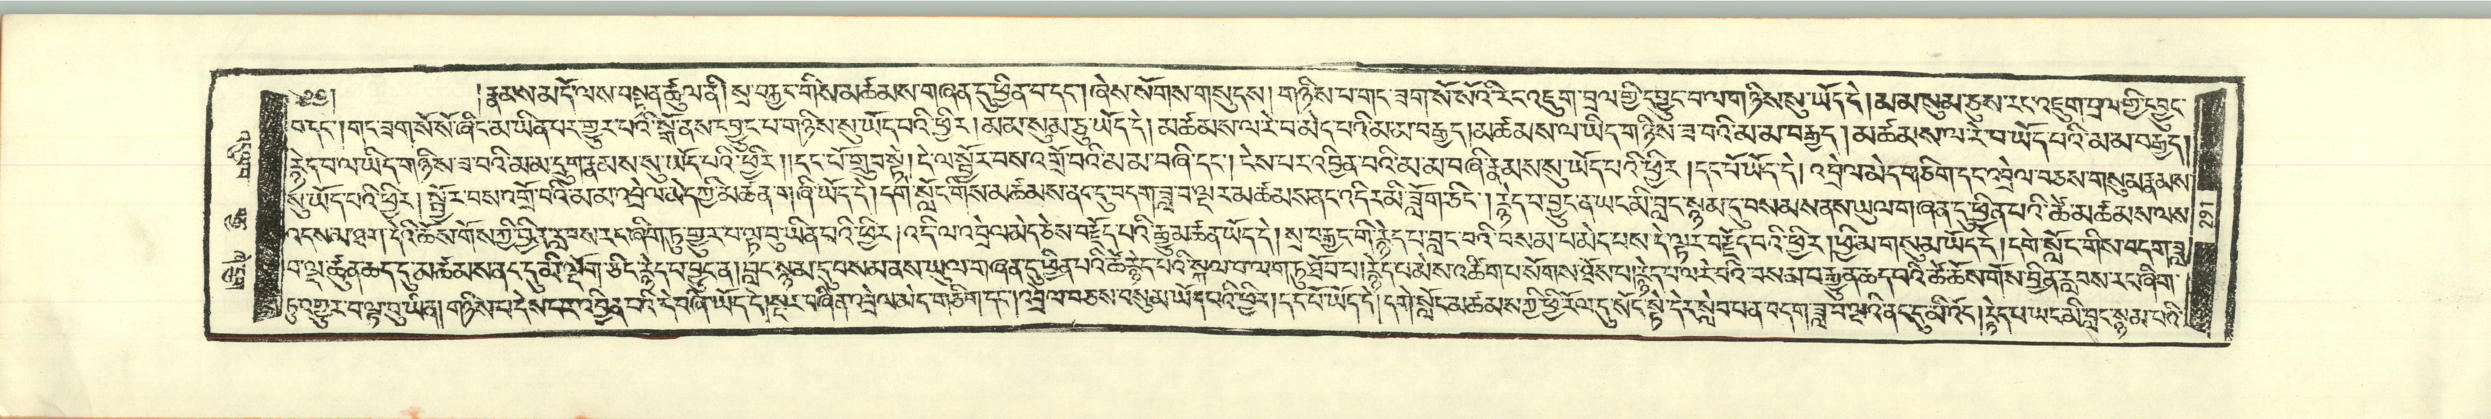༄༅། །རྣམས་མདོ་ལས་བསྟན་ཚུལ་ནི། སྲ་བརྐྱང་གིས་མཚམས་གཞན་དུ་ཕྱིན་པ་དང་། ཞེས་སོགས་གསུངས། གཉིས་པ་གང་ཟག་སོ་སོའི་རང་འཇུག་བྲལ་གྱི་དབྱུང་བ་ལ་གཉིས་སུ་ཡོད་དེ། མ་མ་སུམ་ཅུས་རང་འཇུག་བྲལ་གྱི་དབྱུང་
བ་དང་། གང་ཟག་སོ་སོ་ཞིང་མ་ཡིན་པར་གྱུར་པའི་སྒོ་ནས་དབྱུང་བ་གཉིས་སུ་ཡོད་པའི་ཕྱིར། མ་མ་སུམ་ཅུ་ཡོད་དེ། མཚམས་ལ་རེ་བ་མེད་པའི་མ་མ་བརྒྱད། མཚམས་ལ་ཡིད་གཉིས་ཟ་བའི་མ་མ་བརྒྱད། མཚམས་ལ་རེ་བ་ཡོད་པའི་མ་མ་བརྒྱད།
རྙེད་བ་ལ་ཡིད་གཉིས་ཟ་བའི་མ་མ་དྲུག་རྣམས་སུ་ཡོད་པའི་ཕྱིར། །དང་པོ་གྲུབ་སྟེ། དེ་ལ་སྦྱོར་བས་འགྲོ་བའི་མ་མ་བཞི་དང་། ངེས་པར་འབྱིན་བའི་མ་མ་བཞི་རྣམས་སུ་ཡོད་པའི་ཕྱིར། དང་པོ་ཡོད་དེ། འབྲེལ་མེད་གཅིག་དང་འབྲེལ་བཅས་གསུམ་རྣམས་
སུ་ཡོད་པའི་ཕྱིར། སྦྱོར་བས་འགྲོ་བའི་མ་མ་འབྲེལ་མེད་ཀྱི་མཚན་གཞི་ཡོད་དེ། དགེ་སློང་གིས་མཚམས་ནང་དུ་བདག་ཟླ་བ་ལྔར་མཚམས་ནང་འདིར་མི་ཟློག་ཅིང་། རྙེད་པ་བྱུང་ན་ཡང་མི་བླང་སྙམ་དུ་བསམས་ནས་ཡུལ་གཞན་དུ་ཕྱིན་པའི་ཚེ་མཚམས་ལས་
འདས་མ་ཐག་དེའི་ཆོས་གོས་ཀྱི་བྱིན་རླབས་རང་ཞིག་ཏུ་གྱུར་པ་ལྟ་བུ་ཡིན་པའི་ཕྱིར། འདི་ལ་འབྲེལ་མེད་ཅེས་བརྗོད་པའི་རྒྱུ་མཚན་ཡོད་དེ། སྲ་བརྒྱད་གི་རྙེད་པ་བླང་བའི་བསམ་པ་མེད་པས་དེ་ལྟར་བརྗོད་པའི་ཕྱིར། ཕྱི་མ་གསུམ་ཡོད་དེ། དགེ་སློང་གིས་བདག་ཟླ་
བ་ལྔ་ཚུན་ཆད་དུ་མཚམས་ནང་དུ་མི་ལྡོག་ཅིང་རྙེད་པ་བྱུང་ན། བླང་སྙམ་དུ་བསམ་ནས་ཡུལ་གཞན་དུ་ཕྱིན་པའི་ཚེ་རྙེད་པའི་སྐལ་བ་ལག་ཏུ་ཐོབ་པ། རྙེད་པ་མེས་འཚིག་པ་སོགས་ཐོས་པ། རྙེད་པ་ལ་རེ་བའི་བསམ་བརྒྱུན་ཆད་བའི་ཚེ་ཆོས་གོས་བྱིན་རླབས་རང་ཞིག་
ཏུ་འགྱུར་བ་ལྟ་བུ་ཡིན། གཉིས་པ་དེས་པར་འབྱིན་པའི་དེ་བཞི་ཡོད་དེ། སྔར་བཞིན་འབྲེལ་མེད་གཅིག་དང་། འབྲེལ་བཅས་བསུམ་ཡོད་པའི་ཕྱིར། དང་པོ་ཡོད་དེ། དགེ་སློང་མཚམས་ཀྱི་ཕྱི་རོལ་དུ་སོང་སྟེ་དེར་སླེབ་པ་ན་བདག་ཟླ་བ་ལྔའི་ནང་དུ་མི་འོང་། རྙེད་པ་ཡང་མི་བླང་སྙམ་པའི་